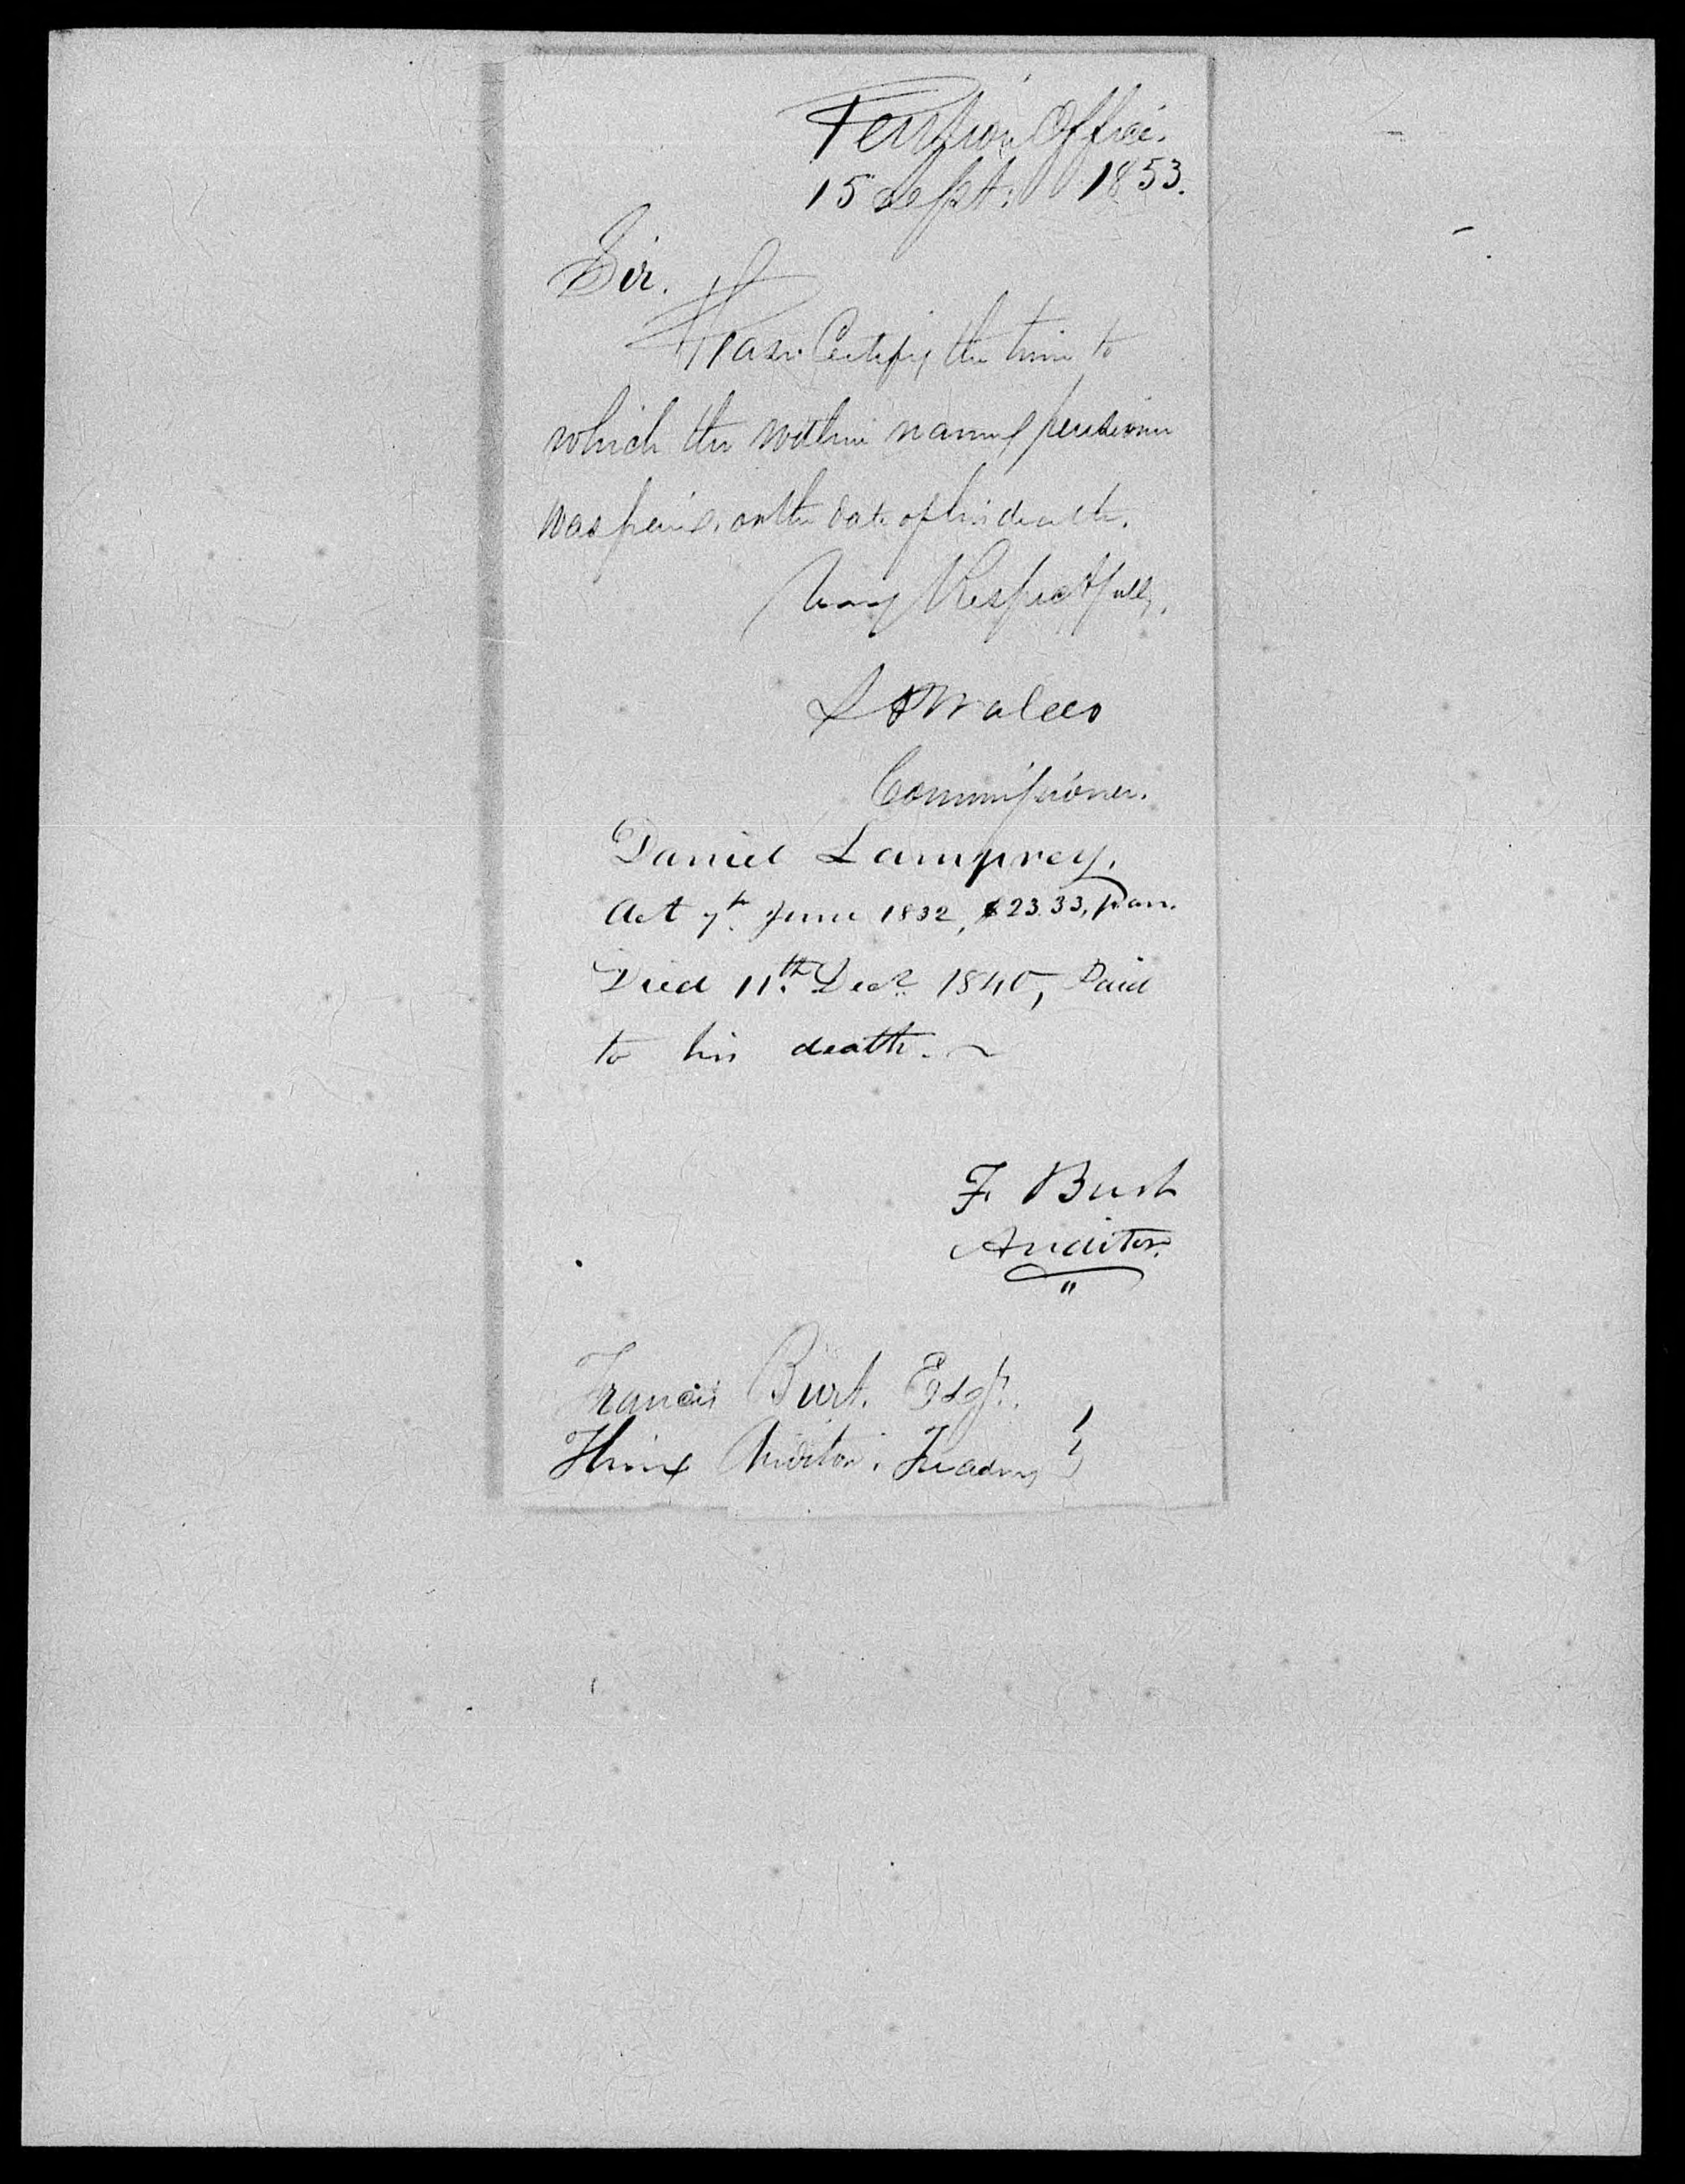Pension Office
15 Sept 1853.
Sir, 
Trasr. [TREASURER] Certify the time to which the within named pensioner was paid, and the date of his death.
Very Respectfully
L P Waldo
Commissioner.

Daniel Lamprey,
Act 7th June 1832 $23.33 p an. [PER ANNUM]
Died 11th Decr 1840, Paid to his death.

F. Burt
Auditor
Francis Burt Esqr [ESQUIRE]
Third Auditor, Treasury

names: L P Waldo; Francis Burt; Daniel Lamprey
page: 25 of 53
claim: widow's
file: W. 492, for Daniel Lamprey, New Hampshire